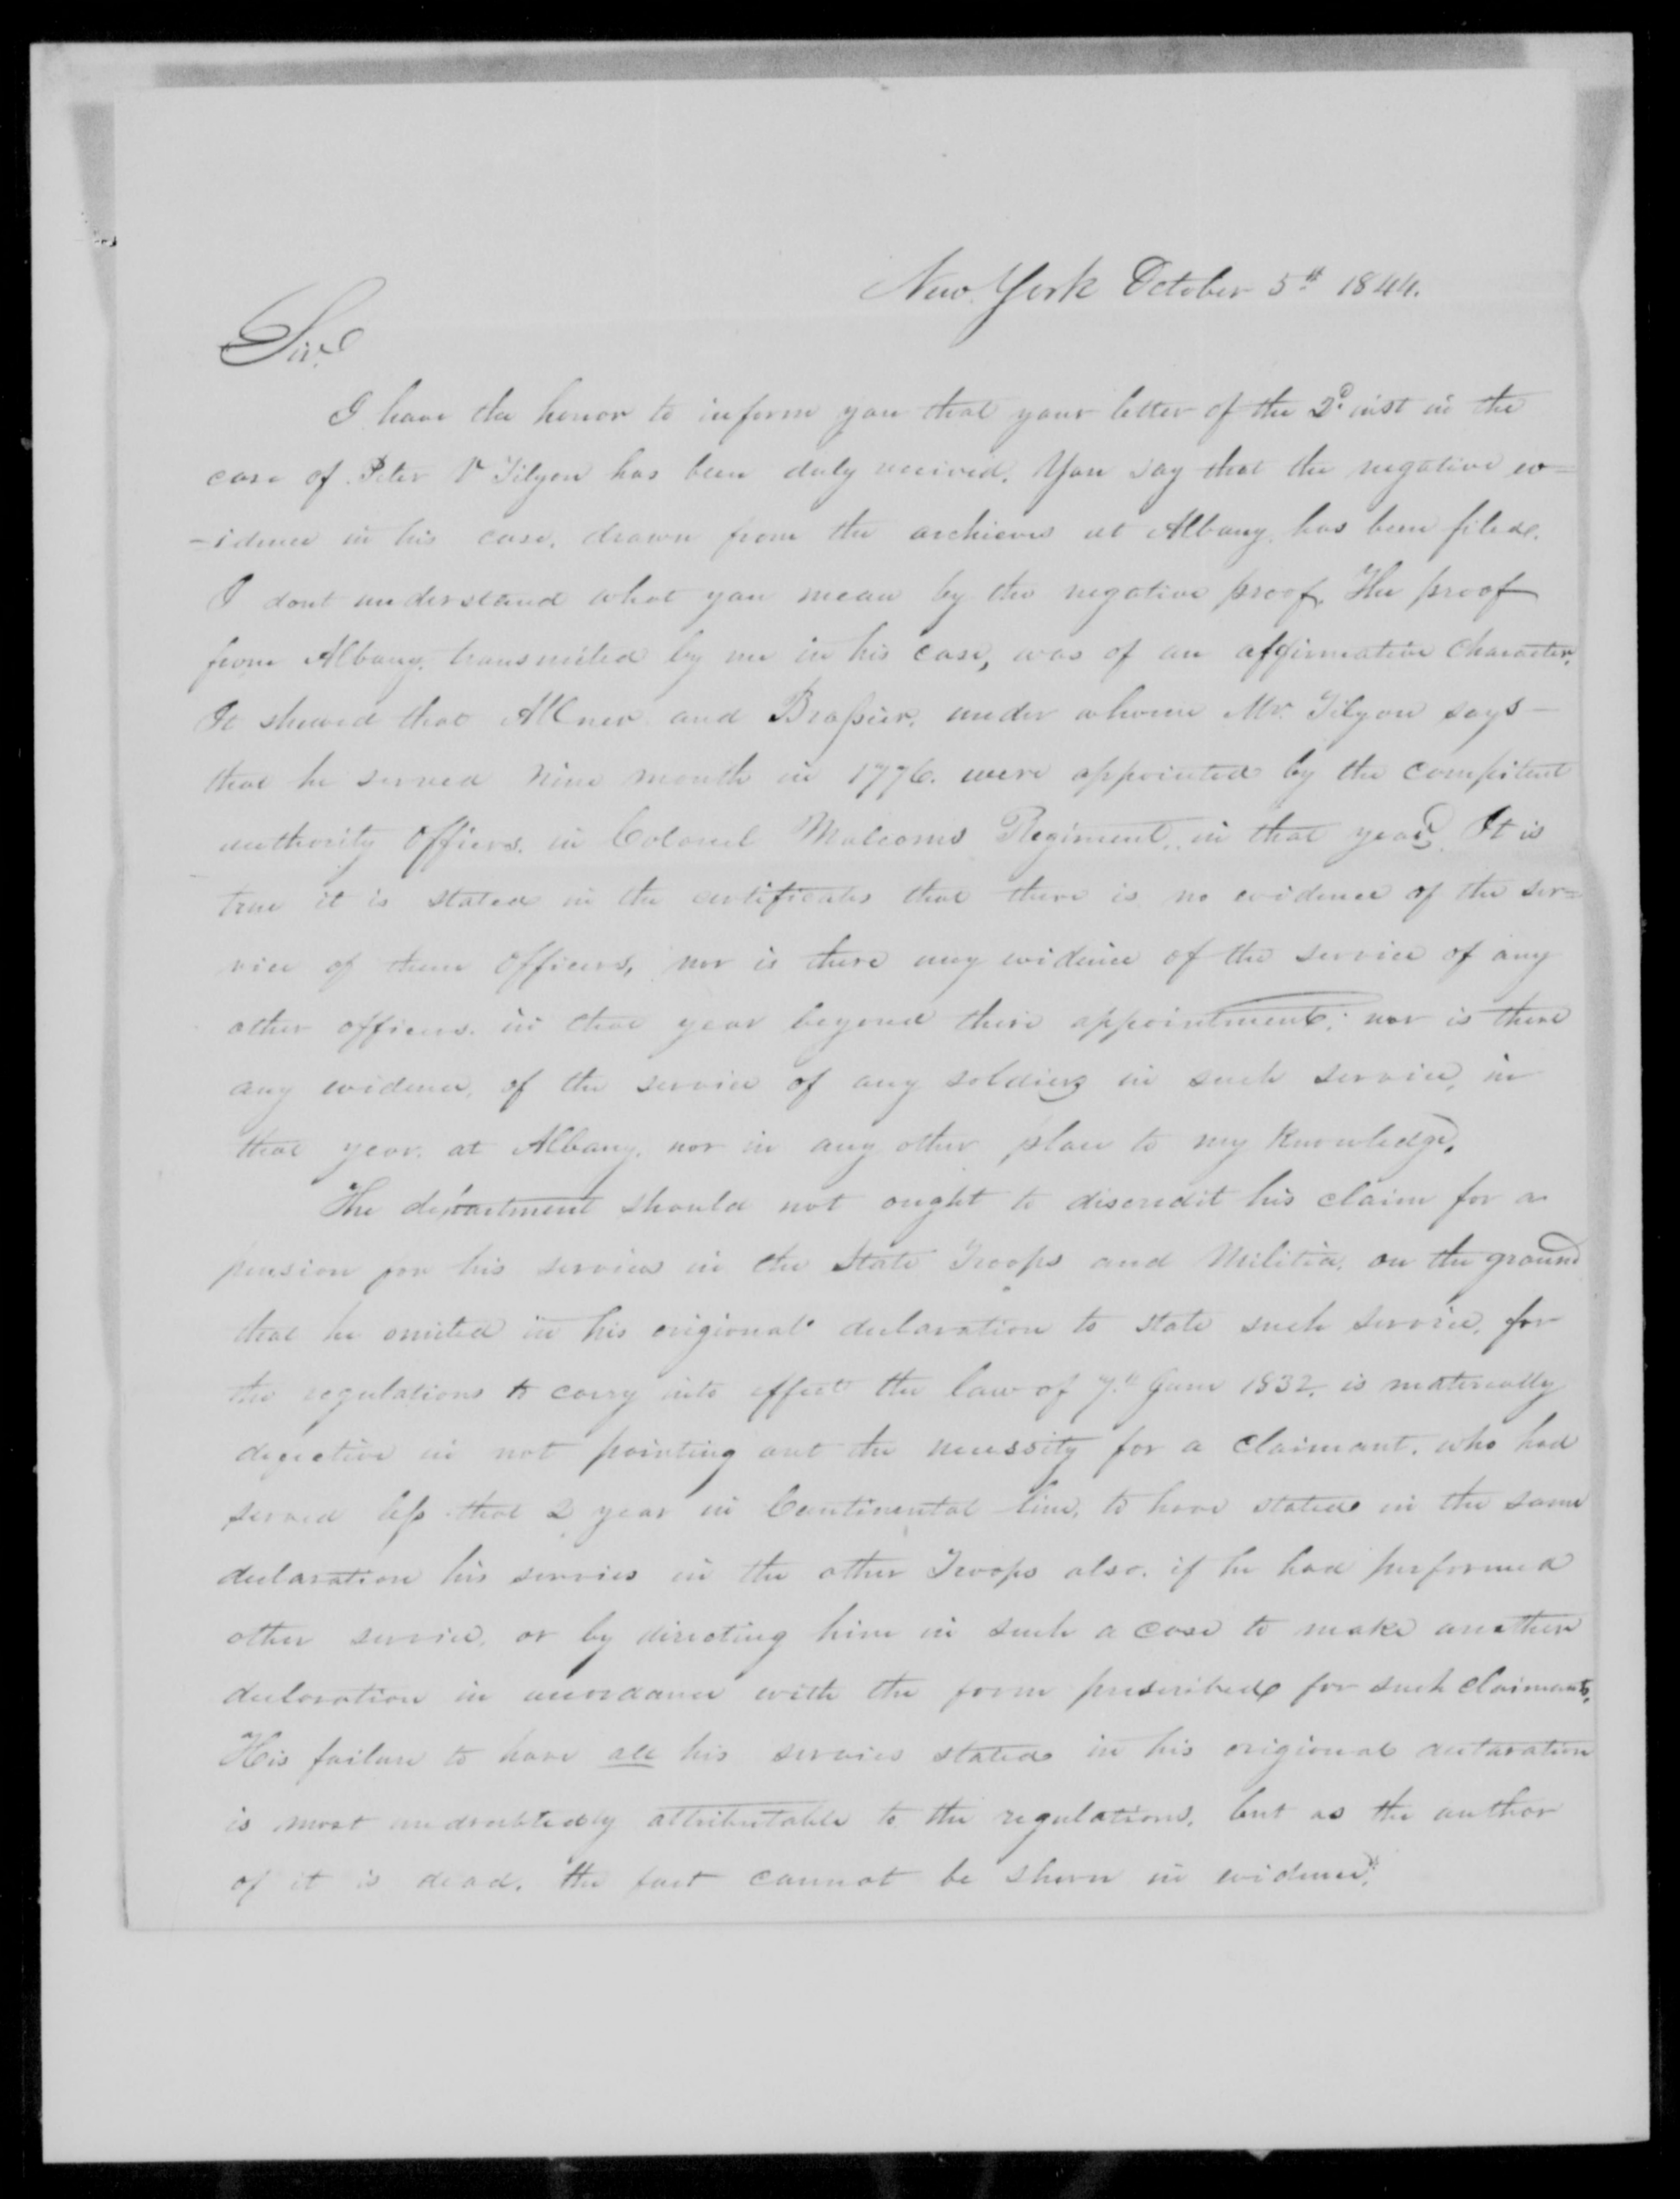New York October 5th 1844
I have the honor to inform you that your letter of the 2d inst in the
can of Peter Tilyou has been duly received. You say that the negative
[illegible] in his case, drawn from the archives at Albany has been pled
I dont understand what you mean by the negative proof the proof
from Albany transmitted by me in his case, was of an affirmation character.
I shewed that Allen and Brassier, under whom Mr Tilyou says that
he served nine month in 1776 were appointed by the competent
authority office in Colonel Malcoms Regiment in that year. It is
time it is stated in the certificates that there is no evidence of the service
of the officers, nor is there my evidence of the service of any
other officers in that year beyond their appointment; nor is there
any evidence of the service of any soldiers in such service in
that year at Albany, nor in any other place to my knowledged
The department should not ought to discredit his claim for a
pension for his services in the State Troops and Militia, on the ground
that he omited in his original declaration to state such service for
the regulations to carry into effect the law of 7th June 1832, is materially
direction in not pointing out the necessity for a claimant, who had
served less that I year in Continental line, to have stated in the same
declaration his services in the other Troops also, if he had performed
other service, or by directing him in such a case to make another
declaration in accordance with the form prescribed for such claimant
His failure to have all his services stated in his original declaration
is most undoubtedly attributable to the regulations, but as the author
of it is dead, the last cannot be shown in evidence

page: 25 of 101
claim: widow's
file: W. 25481, for Peter V Tilyou, New Jersey